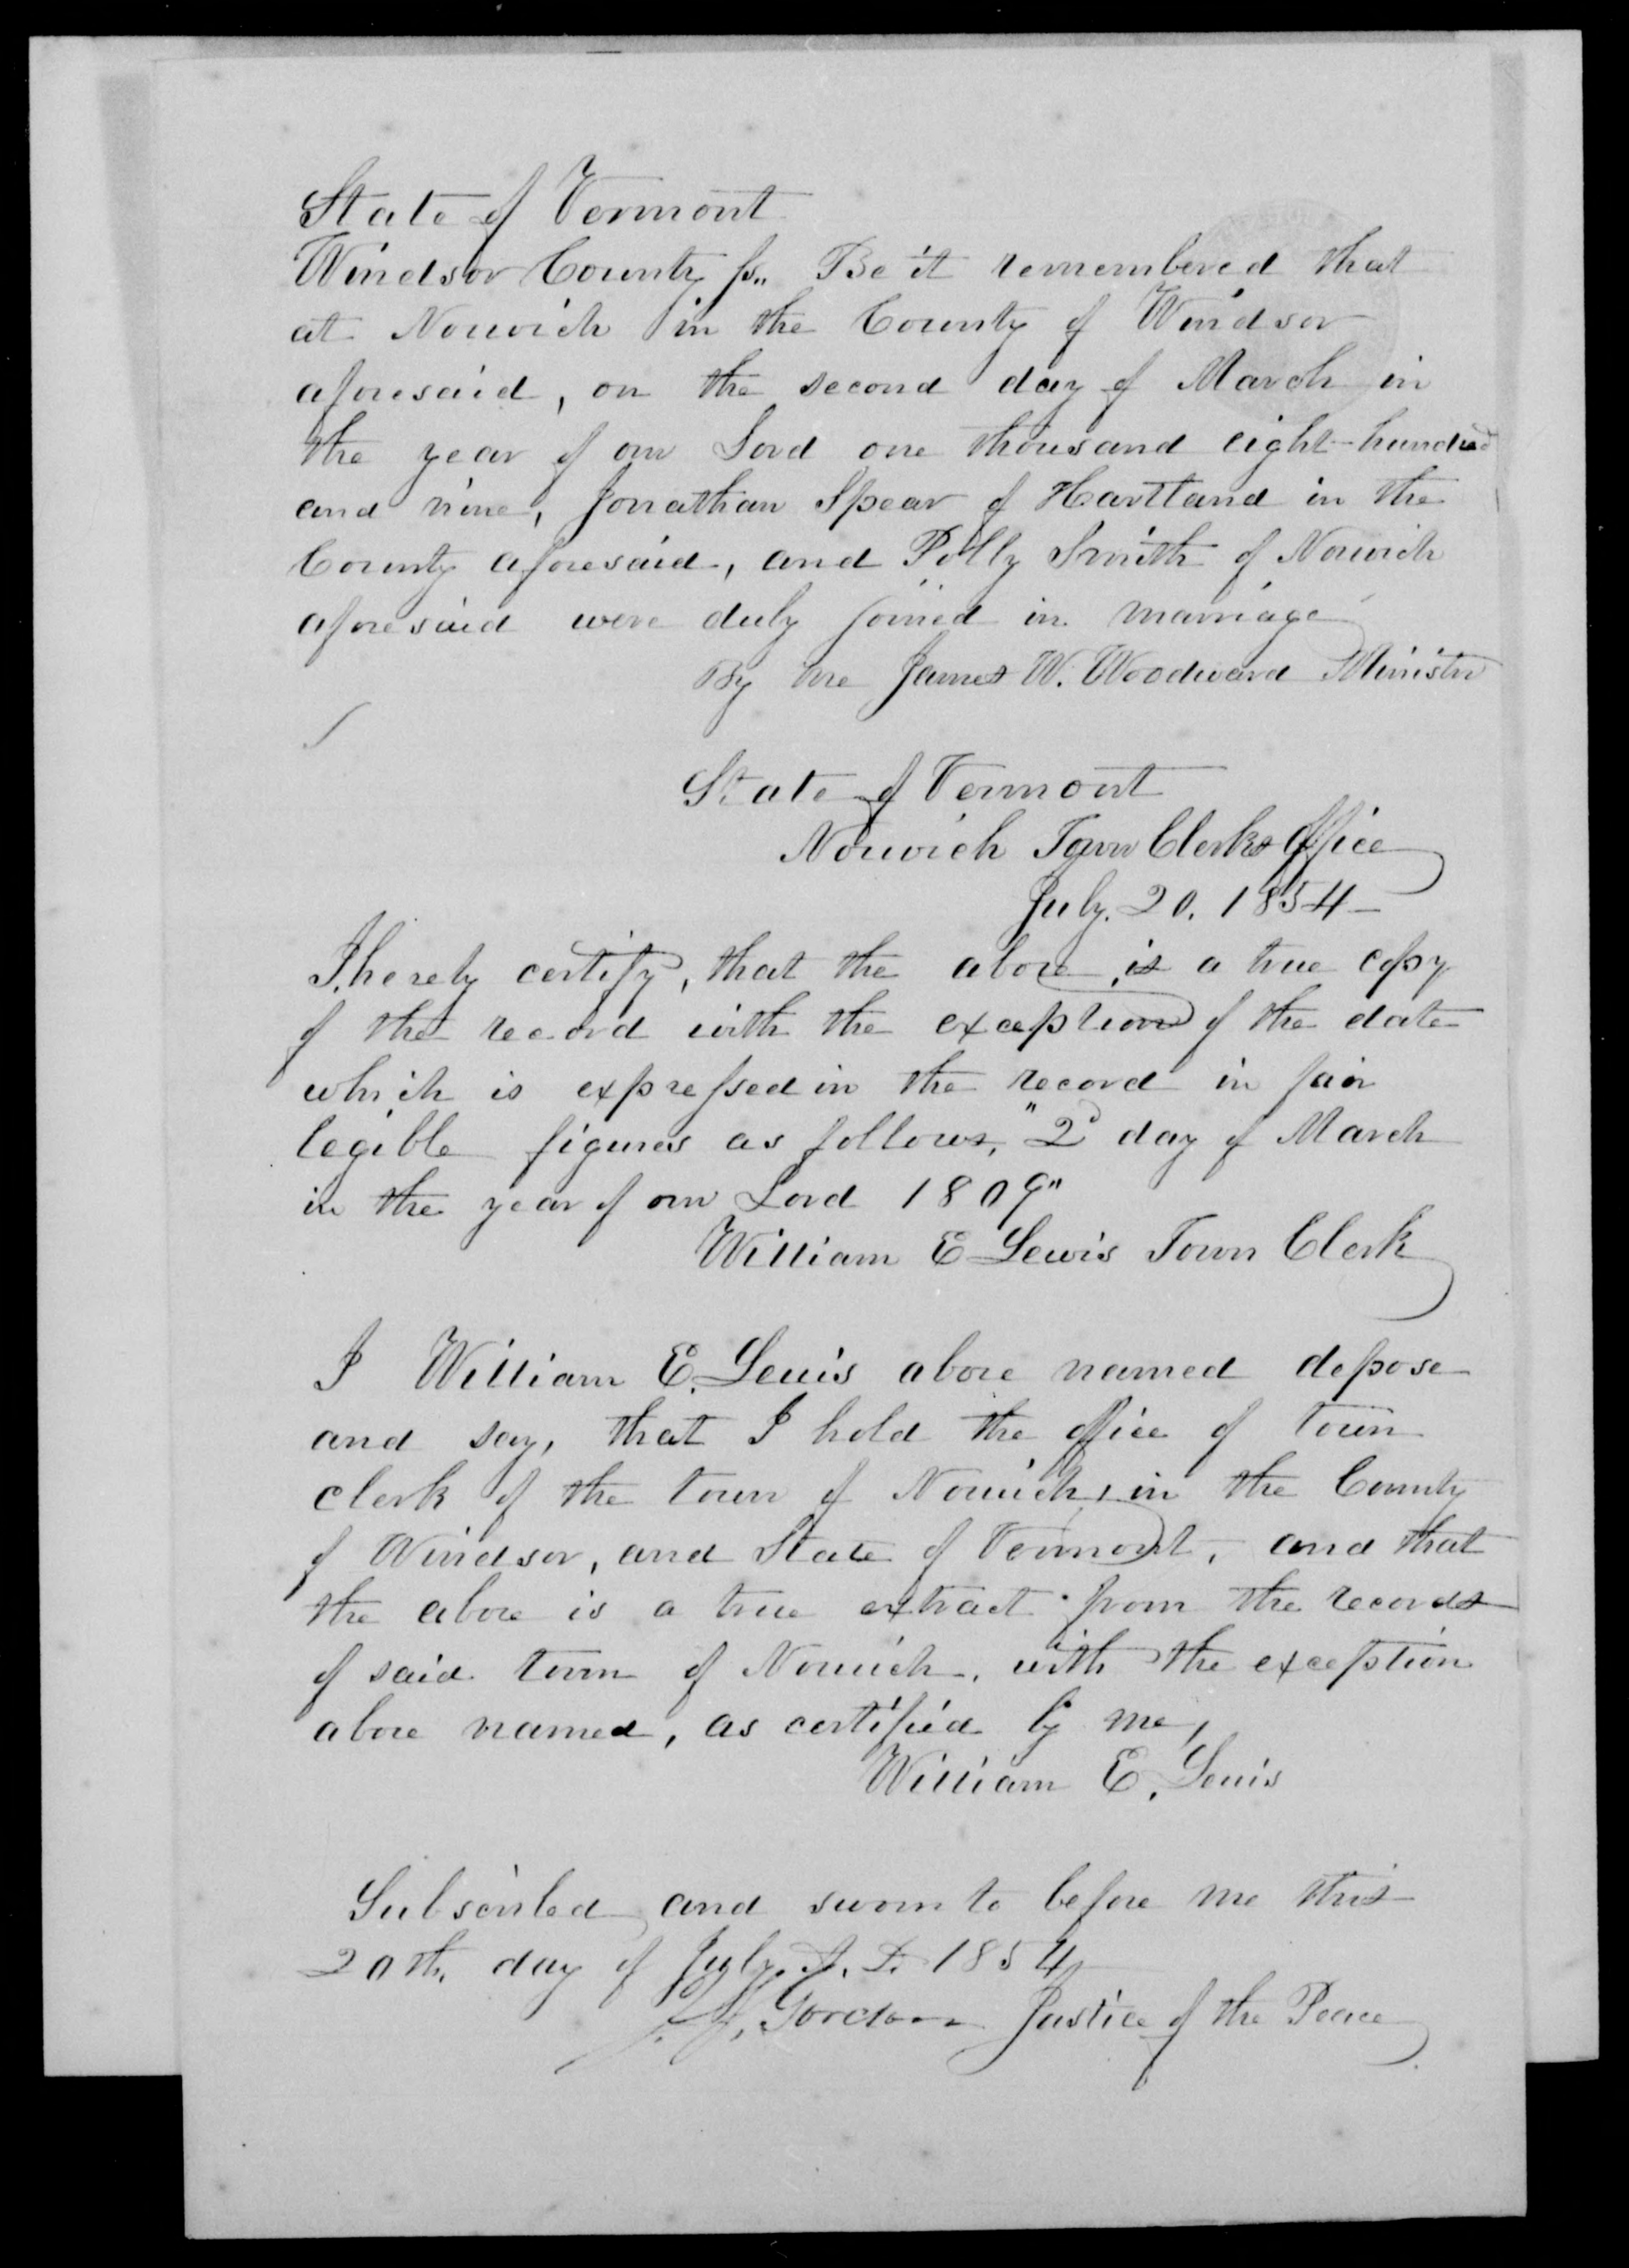State of Vermont
Windsor County ss. Be it remembered that
at Norwich in the County of Windsor
aforesaid, on the second day of March in
the year of our Lord one thousand eight hundred and nine, Jonathan Spear of Hartland in the
County aforesaid, and Polly Smith of Norwich
aforesaid were duly joined in marriage
By me James W. Woodward Minister
State of Vermont
Norwich Town Clerks Office
July 20, 1854
I hereby certify that afore is a true copy
of the record with the exception of the date
which is expressed in the record in fair
legible figures as follows, 2d day of March
in the year of our Lord 1809"
William Lewis Town Clerk

I
William E. Lewis above named depose
and say, that I hold the office of town
Clerk of the town of Norwich in the County
of Windsor, and State of Vermont, and that the
above is a true extract from the records
of said town of Norwich with the exception
above named, as certified by me,
William E Louis
Subscribed and sworn to before me this
20th day of July A.D. 1854 
J S Gordon Justice of the Peace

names: Polly Smith; Jonathan Spear; J S Gordon; William E Lewis; James W Woodward; William E Lewis; William E Louis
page: 15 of 65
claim: widow's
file: W. 7197, for Jonathan Spear, Vermont